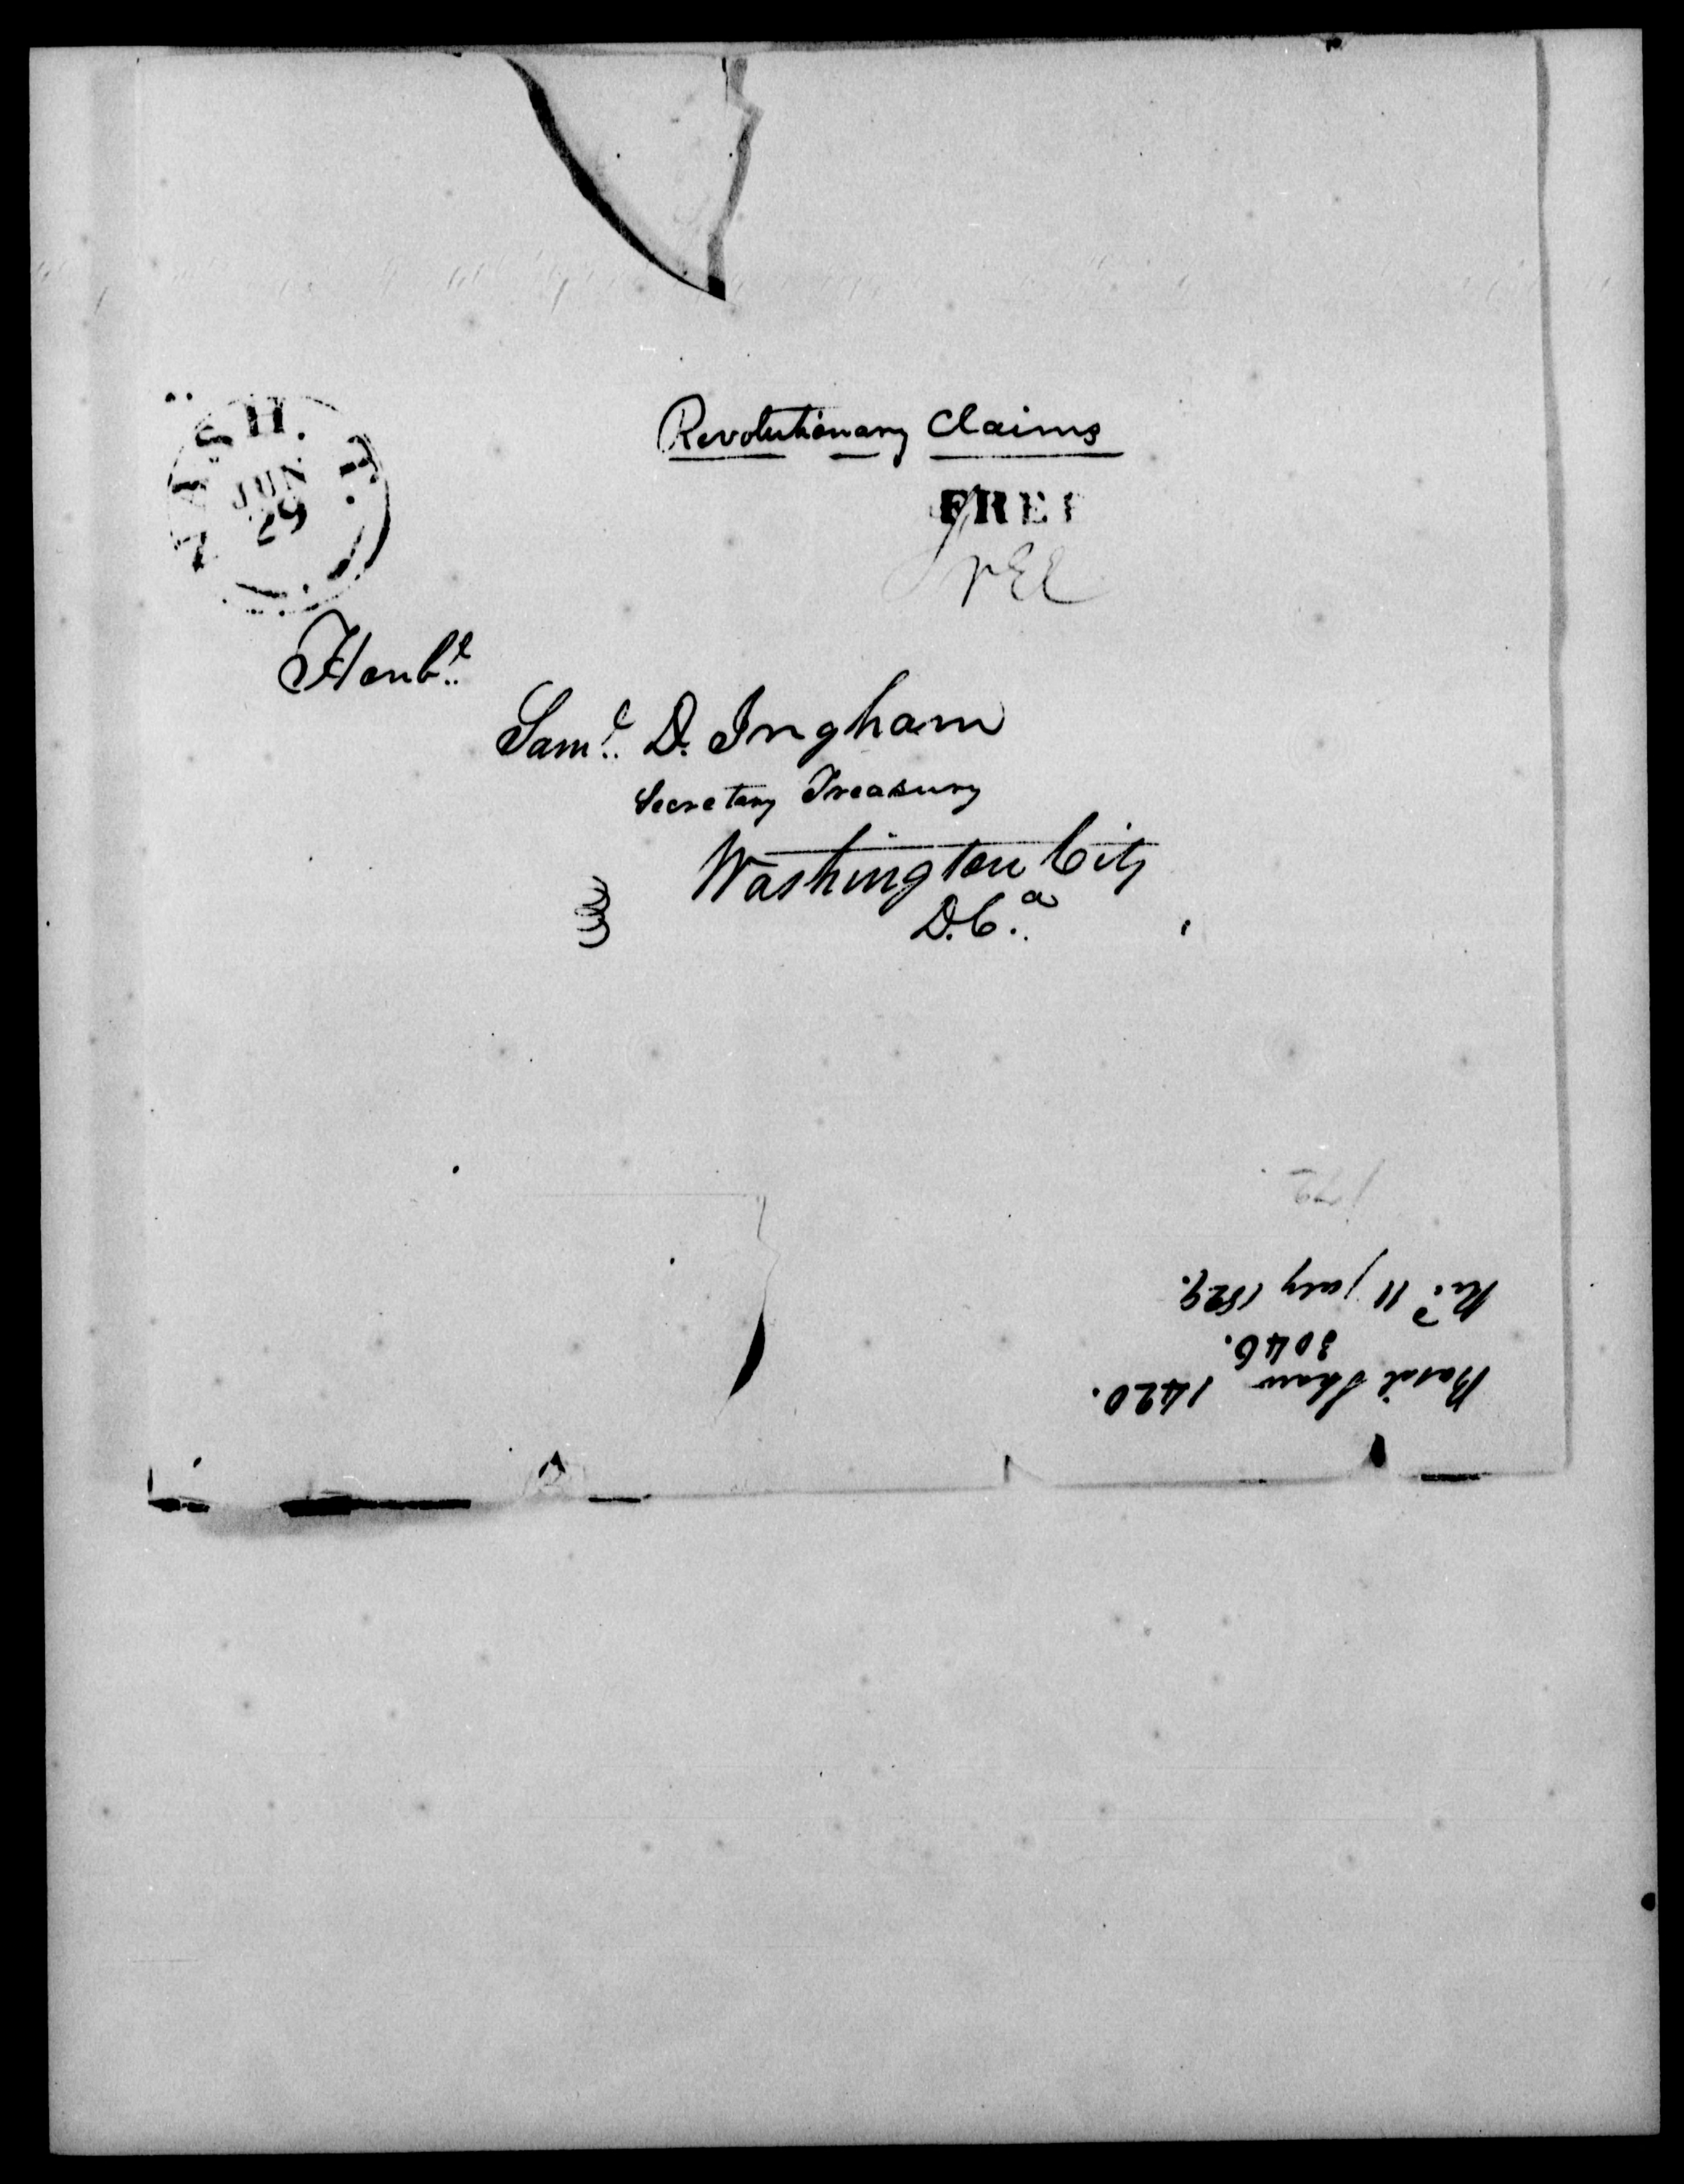[circle stamp]
NASH T
JUN 29


Revolutionary Claims
FREE
Honbl.
Saml. D Ingham
Secretary TReasury
Washington City
D.C.

Basil Shaw 1420
3046
Rec’d 11 July 1829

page: 17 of 32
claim: survivor's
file: S. 16,526, for Basil Shaw, Maryland